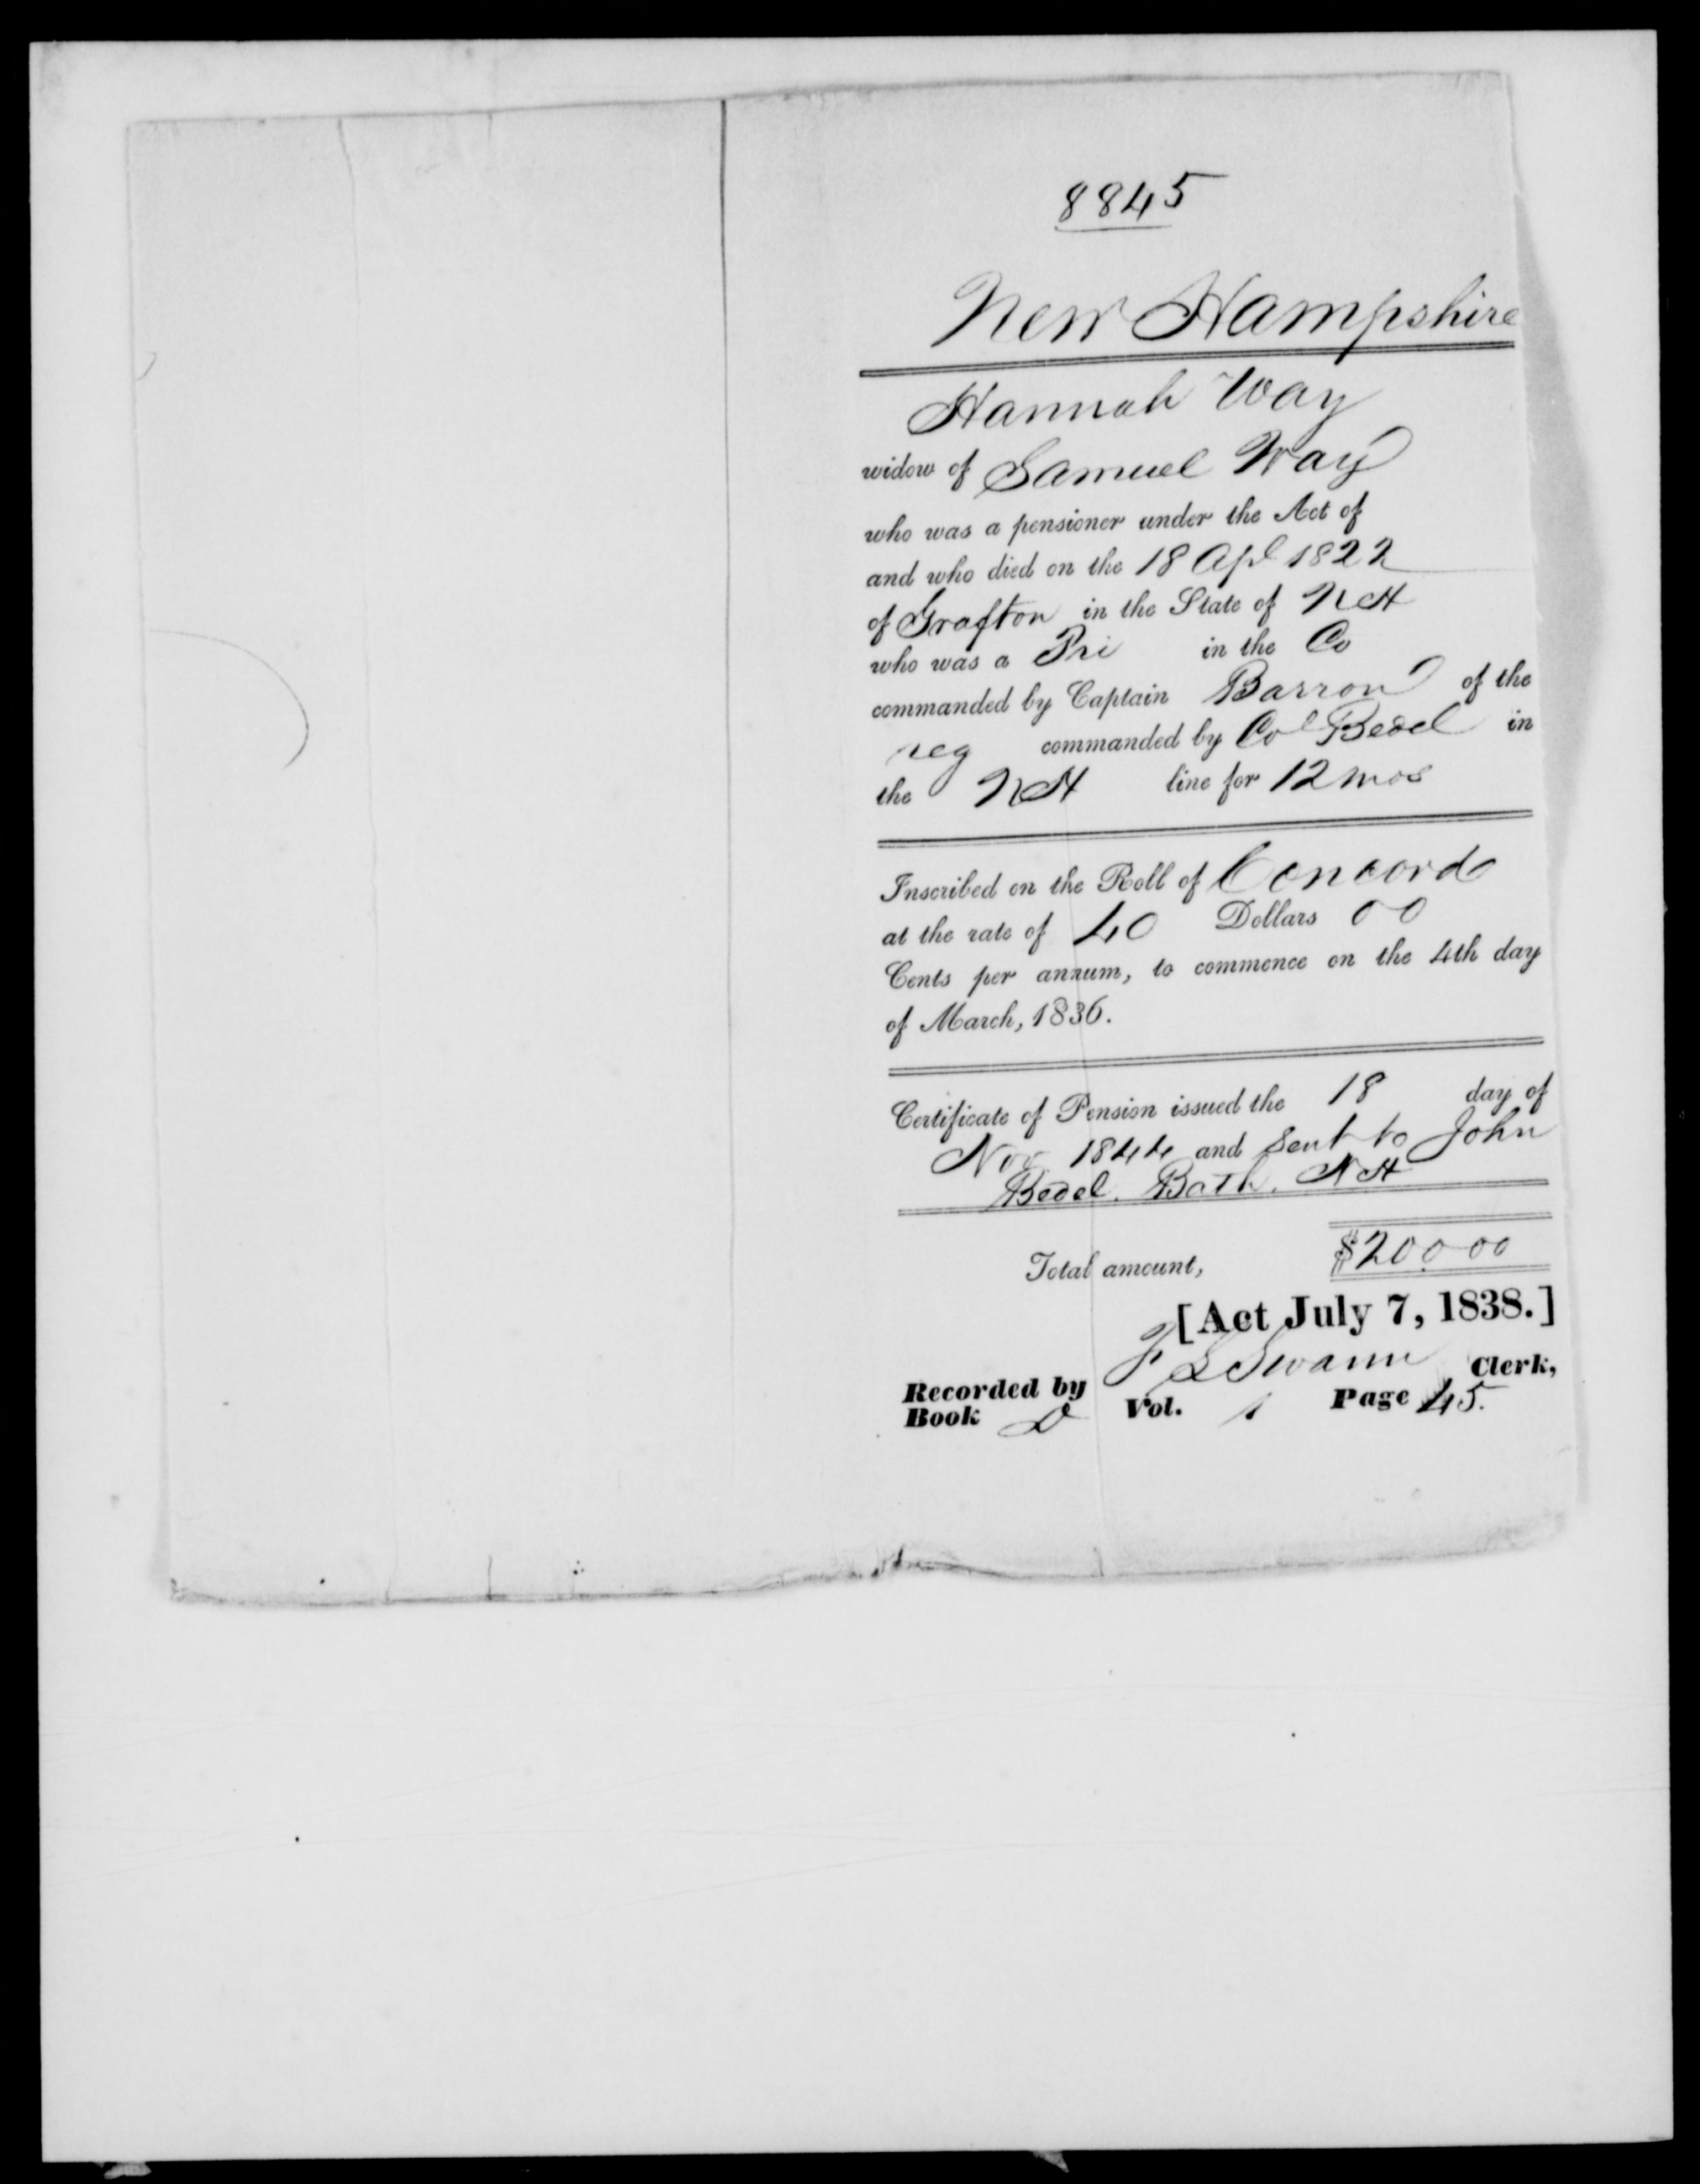8845
New Hampshire
Hannah Way
widow of Samuel Way
who was a pensioner under the Act of
and who died on the 18 Apl 1822
of Grafton in the State of NH
who was a Pri
in the Co
commanded by Captain Barron of the
Reg commanded by Col Bedel in
the NH
line for 12 mos
Inscribed on the Roll of Concord
at the rate of 40 Dollars 00
Cents per annum, to commence on the 4th day
of March, 1836
-
Certificate of Pension issued the 18 day of
Nov. 1846 and sent to John
Bedel, Bath, NH
Total amount, $20000
[Act July 7, 1838.]
Recorded by F Swann Clerk,
Book D Vol 1 Page 45.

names: Samuel Way, Barron, Hannah Way, John Bedel, Bedel, F L Swann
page: 24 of 78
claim: widow's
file: W. 25856, Samuel Way, N.H.